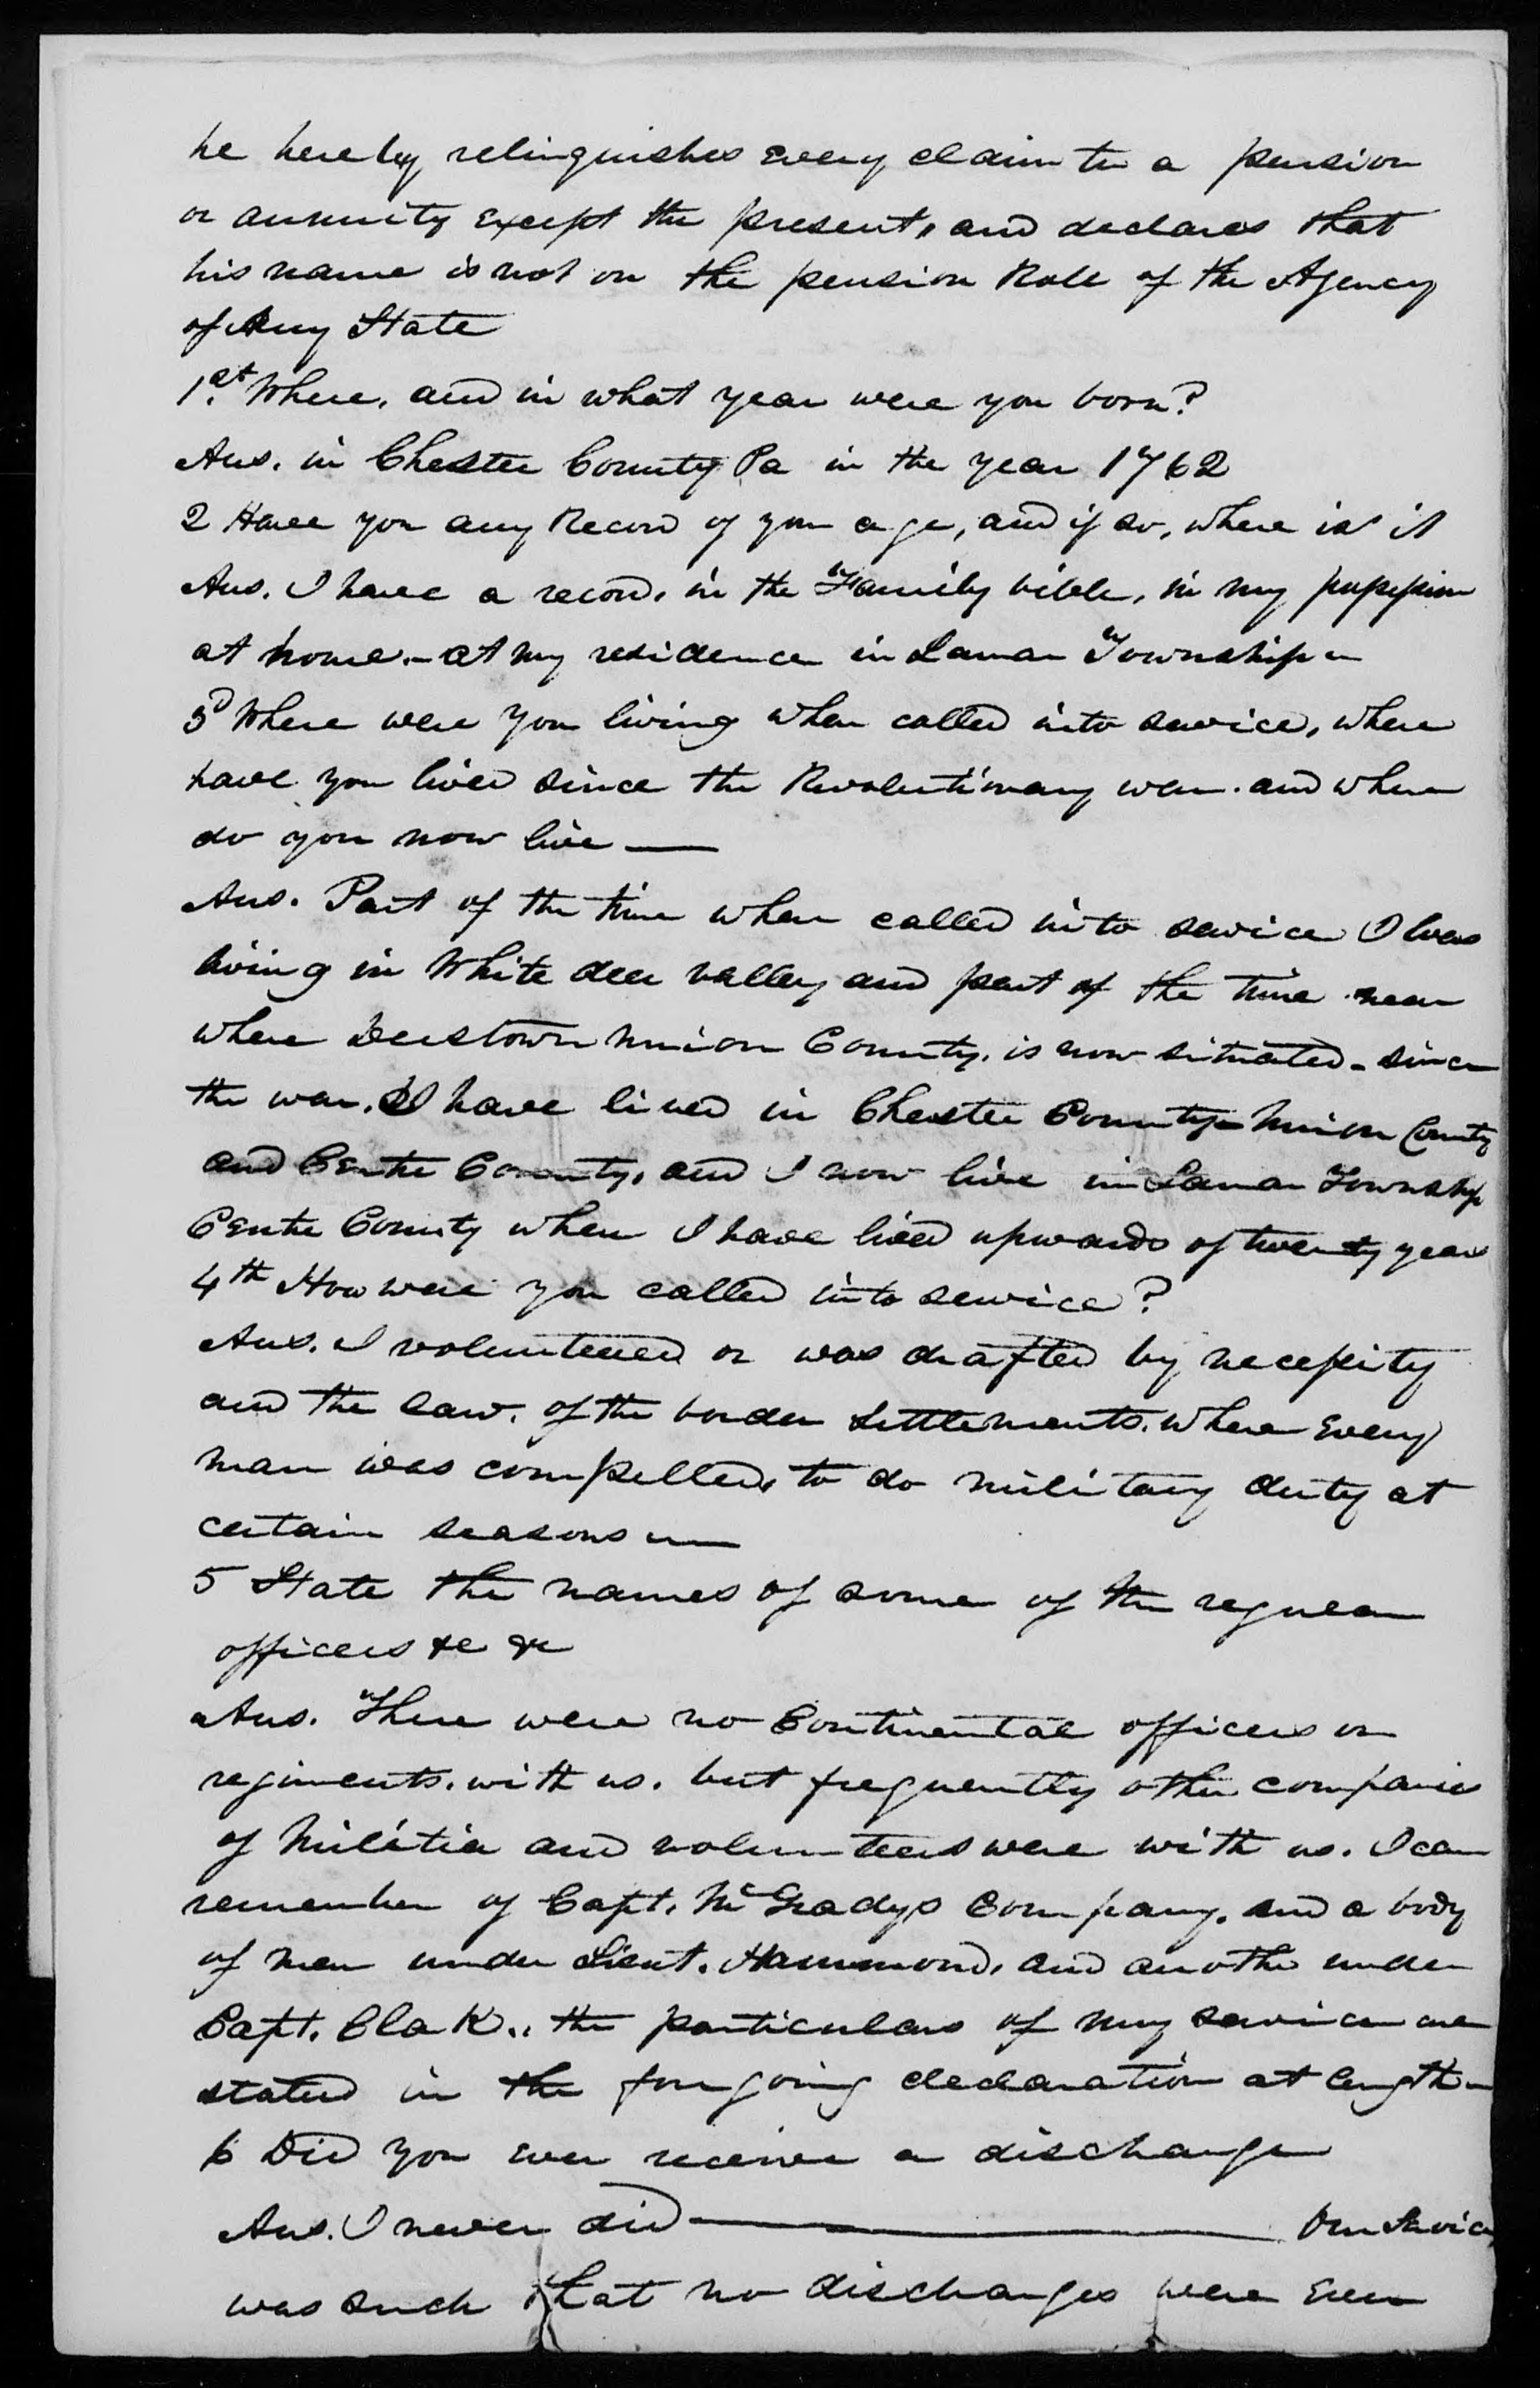He hereby relinquishes every claim to a pension or annuity except the present, and declares that his name is not on the pension role of the Agency of any State.

1st where, and in what year are you born?
Answer: in Chester County Pa in the year 1762
2 Have you any record of your age, and if so, where is it? Answer: I have a record in the Family Bible in my {illegible} at home at my residence in Lamar Township
3 Where were you living when called into service, where have you lived since the Revolutionary war and where do you now live -
Answer: Part of the time when called into service I was living in White Deer Valley and part of the time near where [illegible] Union County is now situated.  Since the war, I have lived in Chester County, Union County and Centre County, and I now live in Lamar Township, Centre County where I have lived upwards of twenty years.
4th How were you called into service?
Answer: I volunteered or was drafted by necessity and the law of the border settlements where every man was compelled to do military duty at certain seasons.
5 State the names of some of the regiment officers with you
Answer: there were no Continental officers or regiments with us. but frequently other companies of militia and volunteers were with us. I can remember of Capt. McGradys Company and a body of men under Lieut. Hammond and another under Capt. Clark.  The particulars of my service are stated in the foregoing declaration at [illegible]
6. Did you ever receive a discharge? 
Answer: I never did..... Our service was such that no discharges were given.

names: Clark, Hammond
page: 6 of 80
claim: widow's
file: W. 24117, John Elder, Penn.